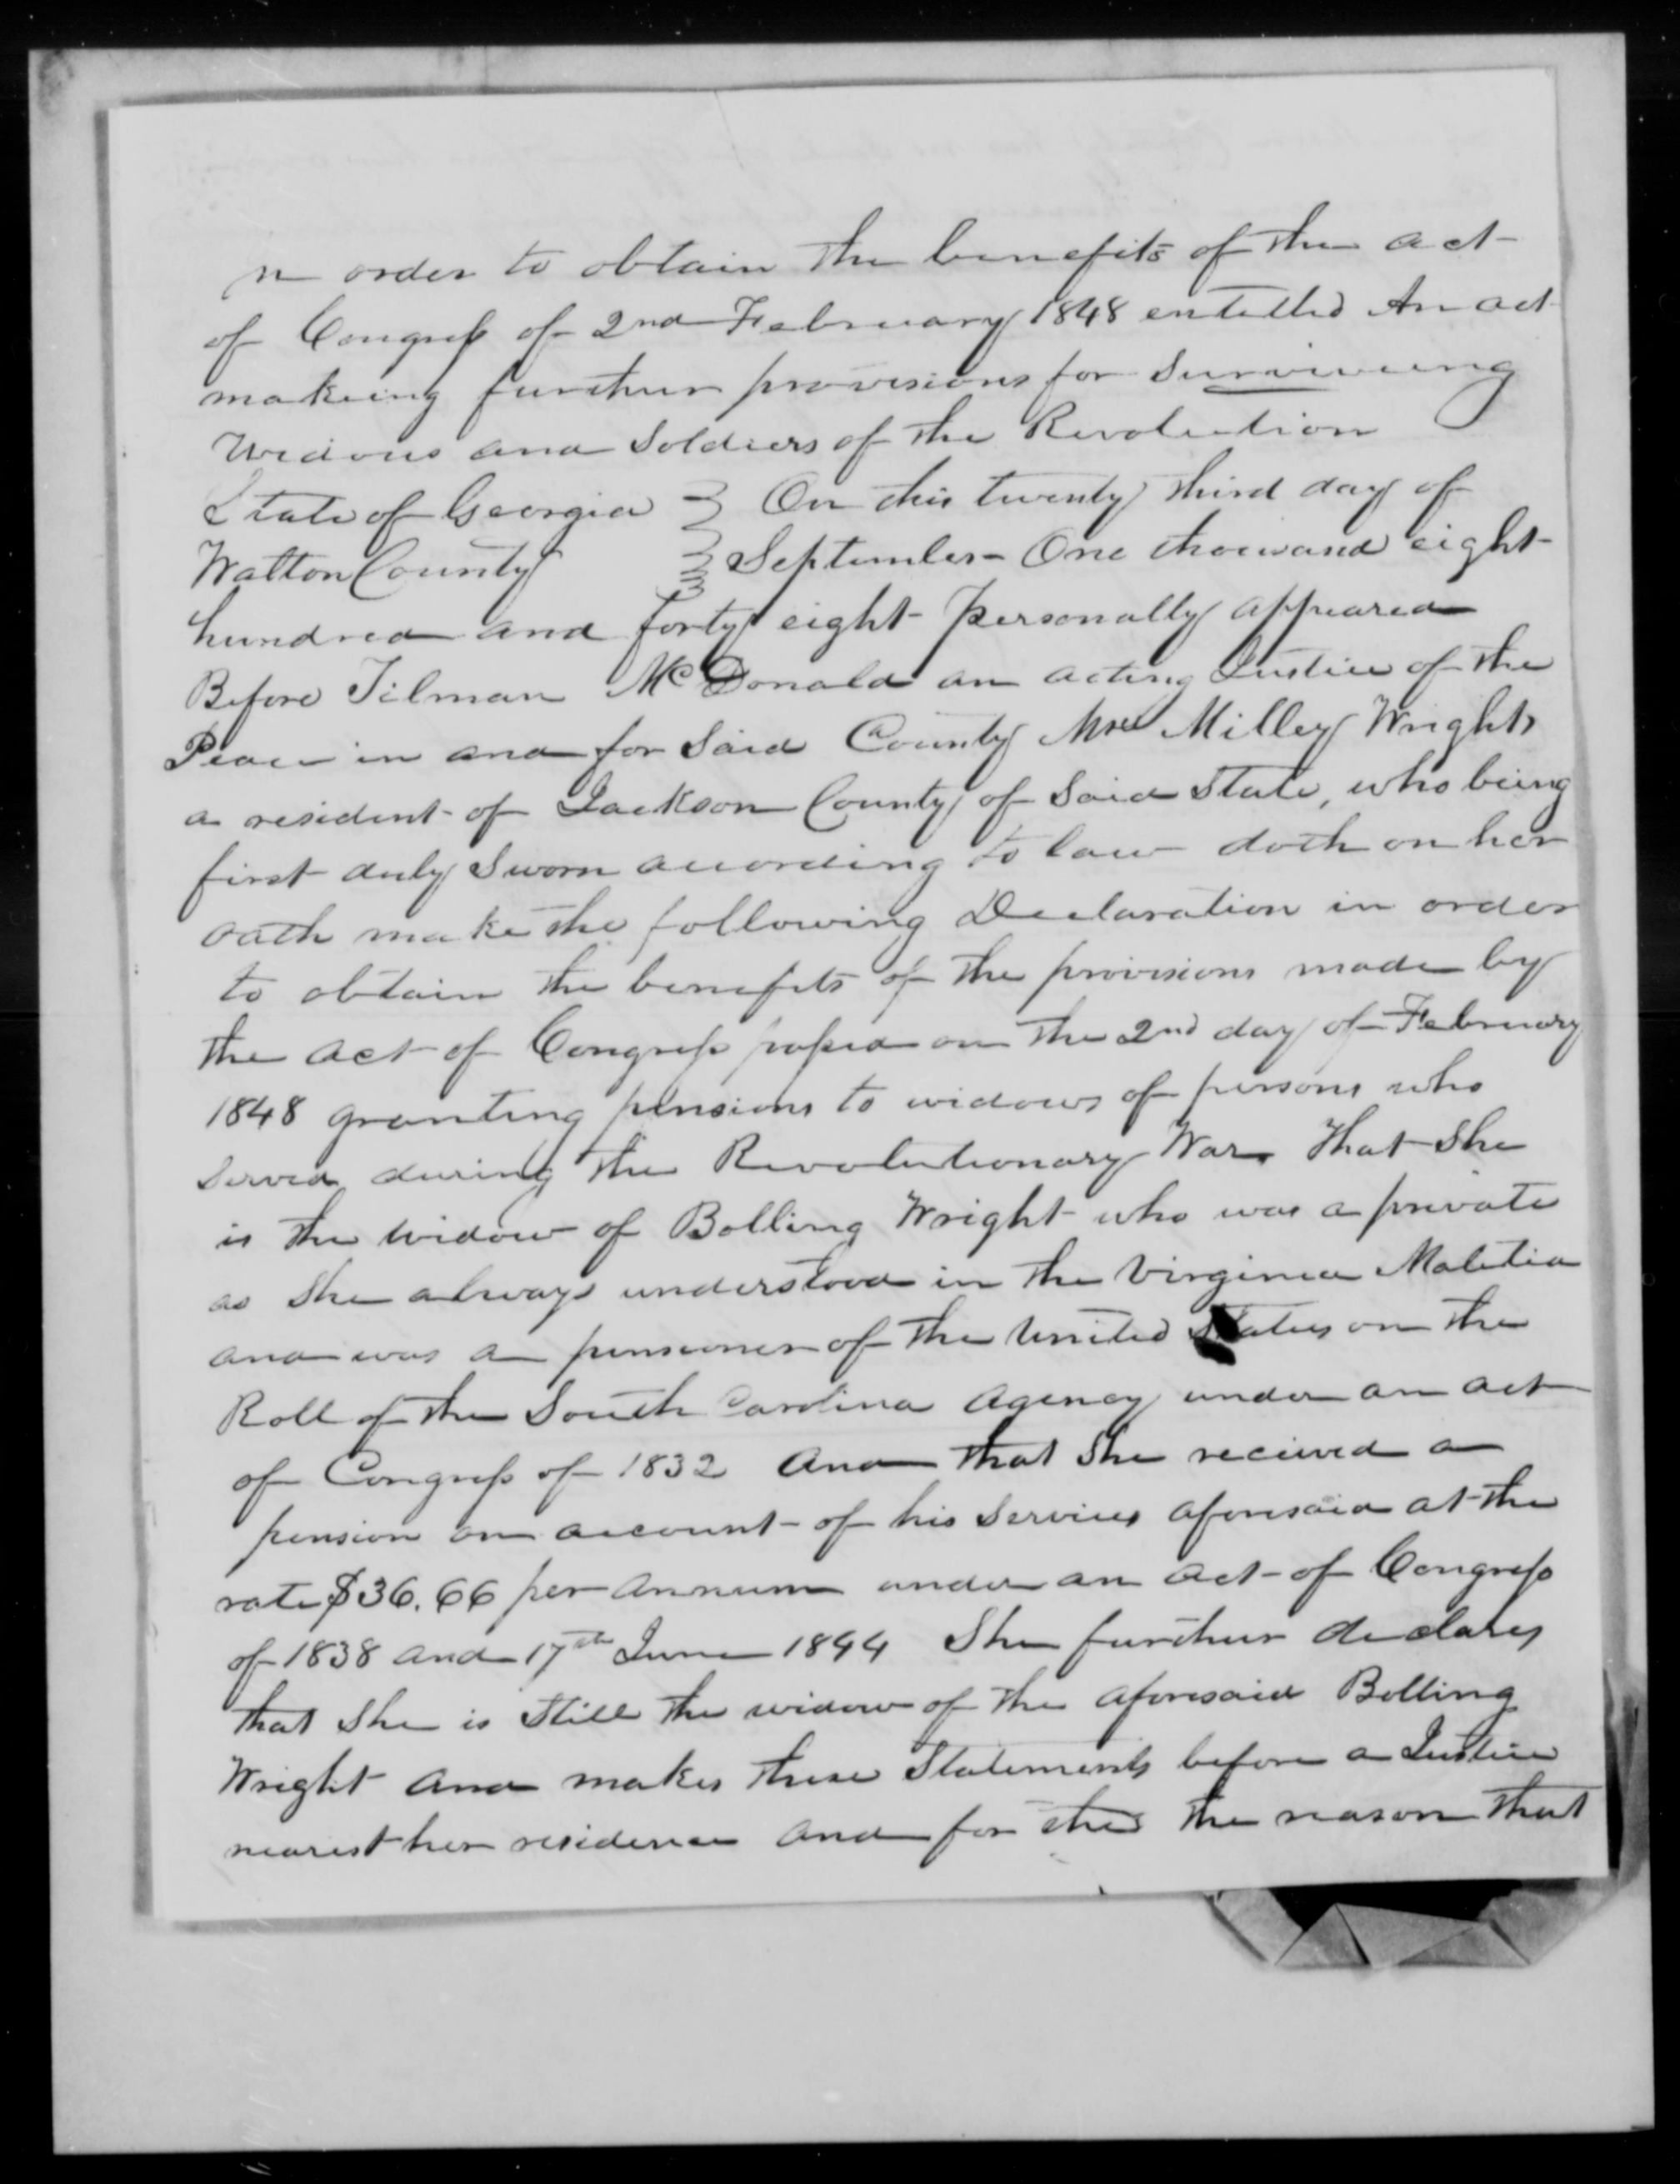In order to obtain the benefits of the act of Congress of 2nd February 1848 entitled An act making further provisions for surviving widows and soldiers of the Revolution
State of Georgia 
Walton County

On this twenty third day of September One Thousand eight hundred and forty eight - personally appeared before Tilman McDonald an acting Justice of the Peace in and for said County Mrs Milly Wright a resident of Jackson County of Said State, who being first duly sworn according to law doth on her oath make the following Declaration in order to obtain the benefits of the provision made by the Act of Congress passed on the 2nd day of February 1848 granting pensions to widows of persons who served during the Revolutionary War.  That she is the widow of Bolling Wright, who was a private as she always understood in the Virginia Militia and was a pensioner of the United States on the Roll of the South Carolina Agency under an Act of Congress of 1832.  And that she received a pension on account of his services aforesaid at the rate of $36.66 per annum under an Act of Congress of 1838 and 17th June 1844.  She further [illegible] that she is still the widow of the aforesaid Bolling Wright and makes this statement before a Justice nearest her residence and for the reason that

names: Milley Wright, Tilman Mc Donald, Bolling Wright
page: 44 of 81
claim: widow's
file: W. 5183, Bolling Wright, Va.